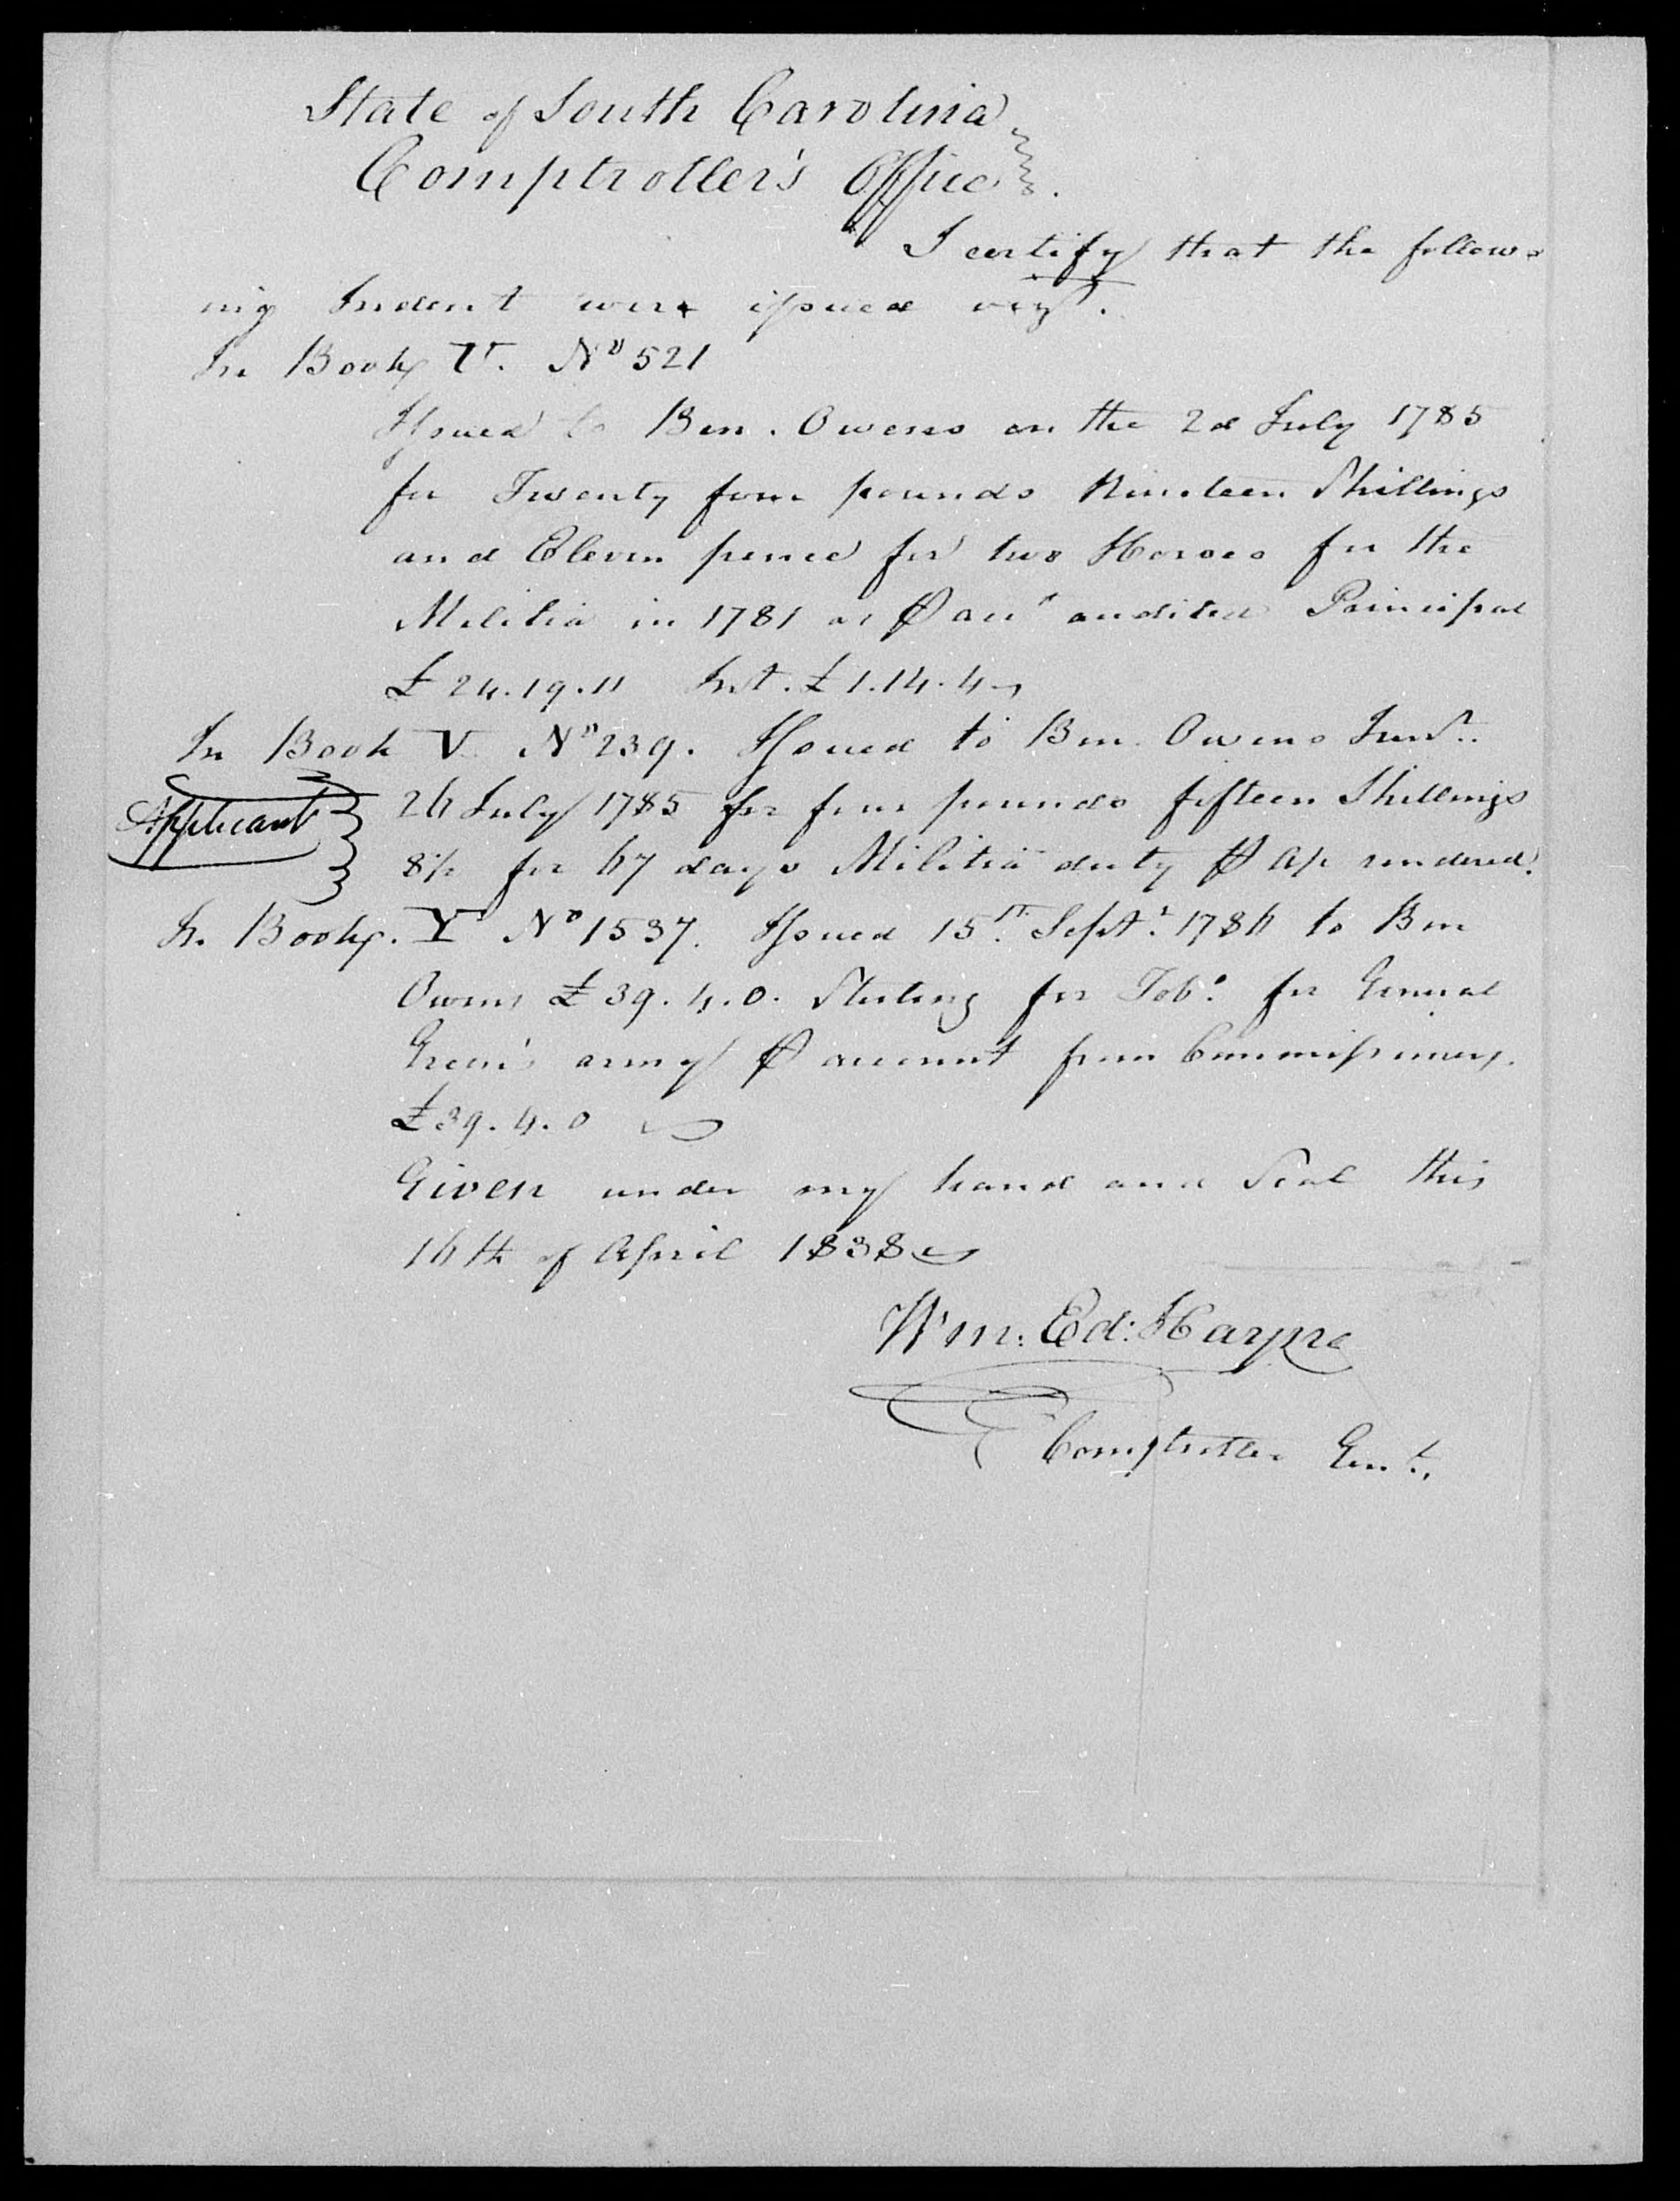State of South Carolina }
Comptroller's Office }
I certify that the following Indent were issued viz
In Book U. No 521
Issued to Ben. Owens on the 2d July 1785 for Twenty four pounds Nineteen Shillings and Eleven pence for two Horses for the Militia in 1781 as & an audited Principal [pound symbol] 24.19.11 Int. [pound symbol] 1.14.4 -
In Book V No 239. Issued to Ben Owens Junr
Applicant } 26 July 1785 for four pounds fifteen Shillings 8½ for 67 days Militia duty & ap rendered.
In Book Y No 1537.  Issued 15th Sept 1786 to Ben Owens [pound symbol] 39.4.0. Sterling for Job for General Green's army & amount from Commissioners.  [pound symbol] 39.4.0 --
Given under my hand and Seal this 16th of April 1838 --
Wm. Ed. Harpre
Comptroller Genl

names: Ben Owens; Wm Ed Hayne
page: 26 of 28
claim: rejected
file: R. 7846, for Benjamin Owens, South Carolina